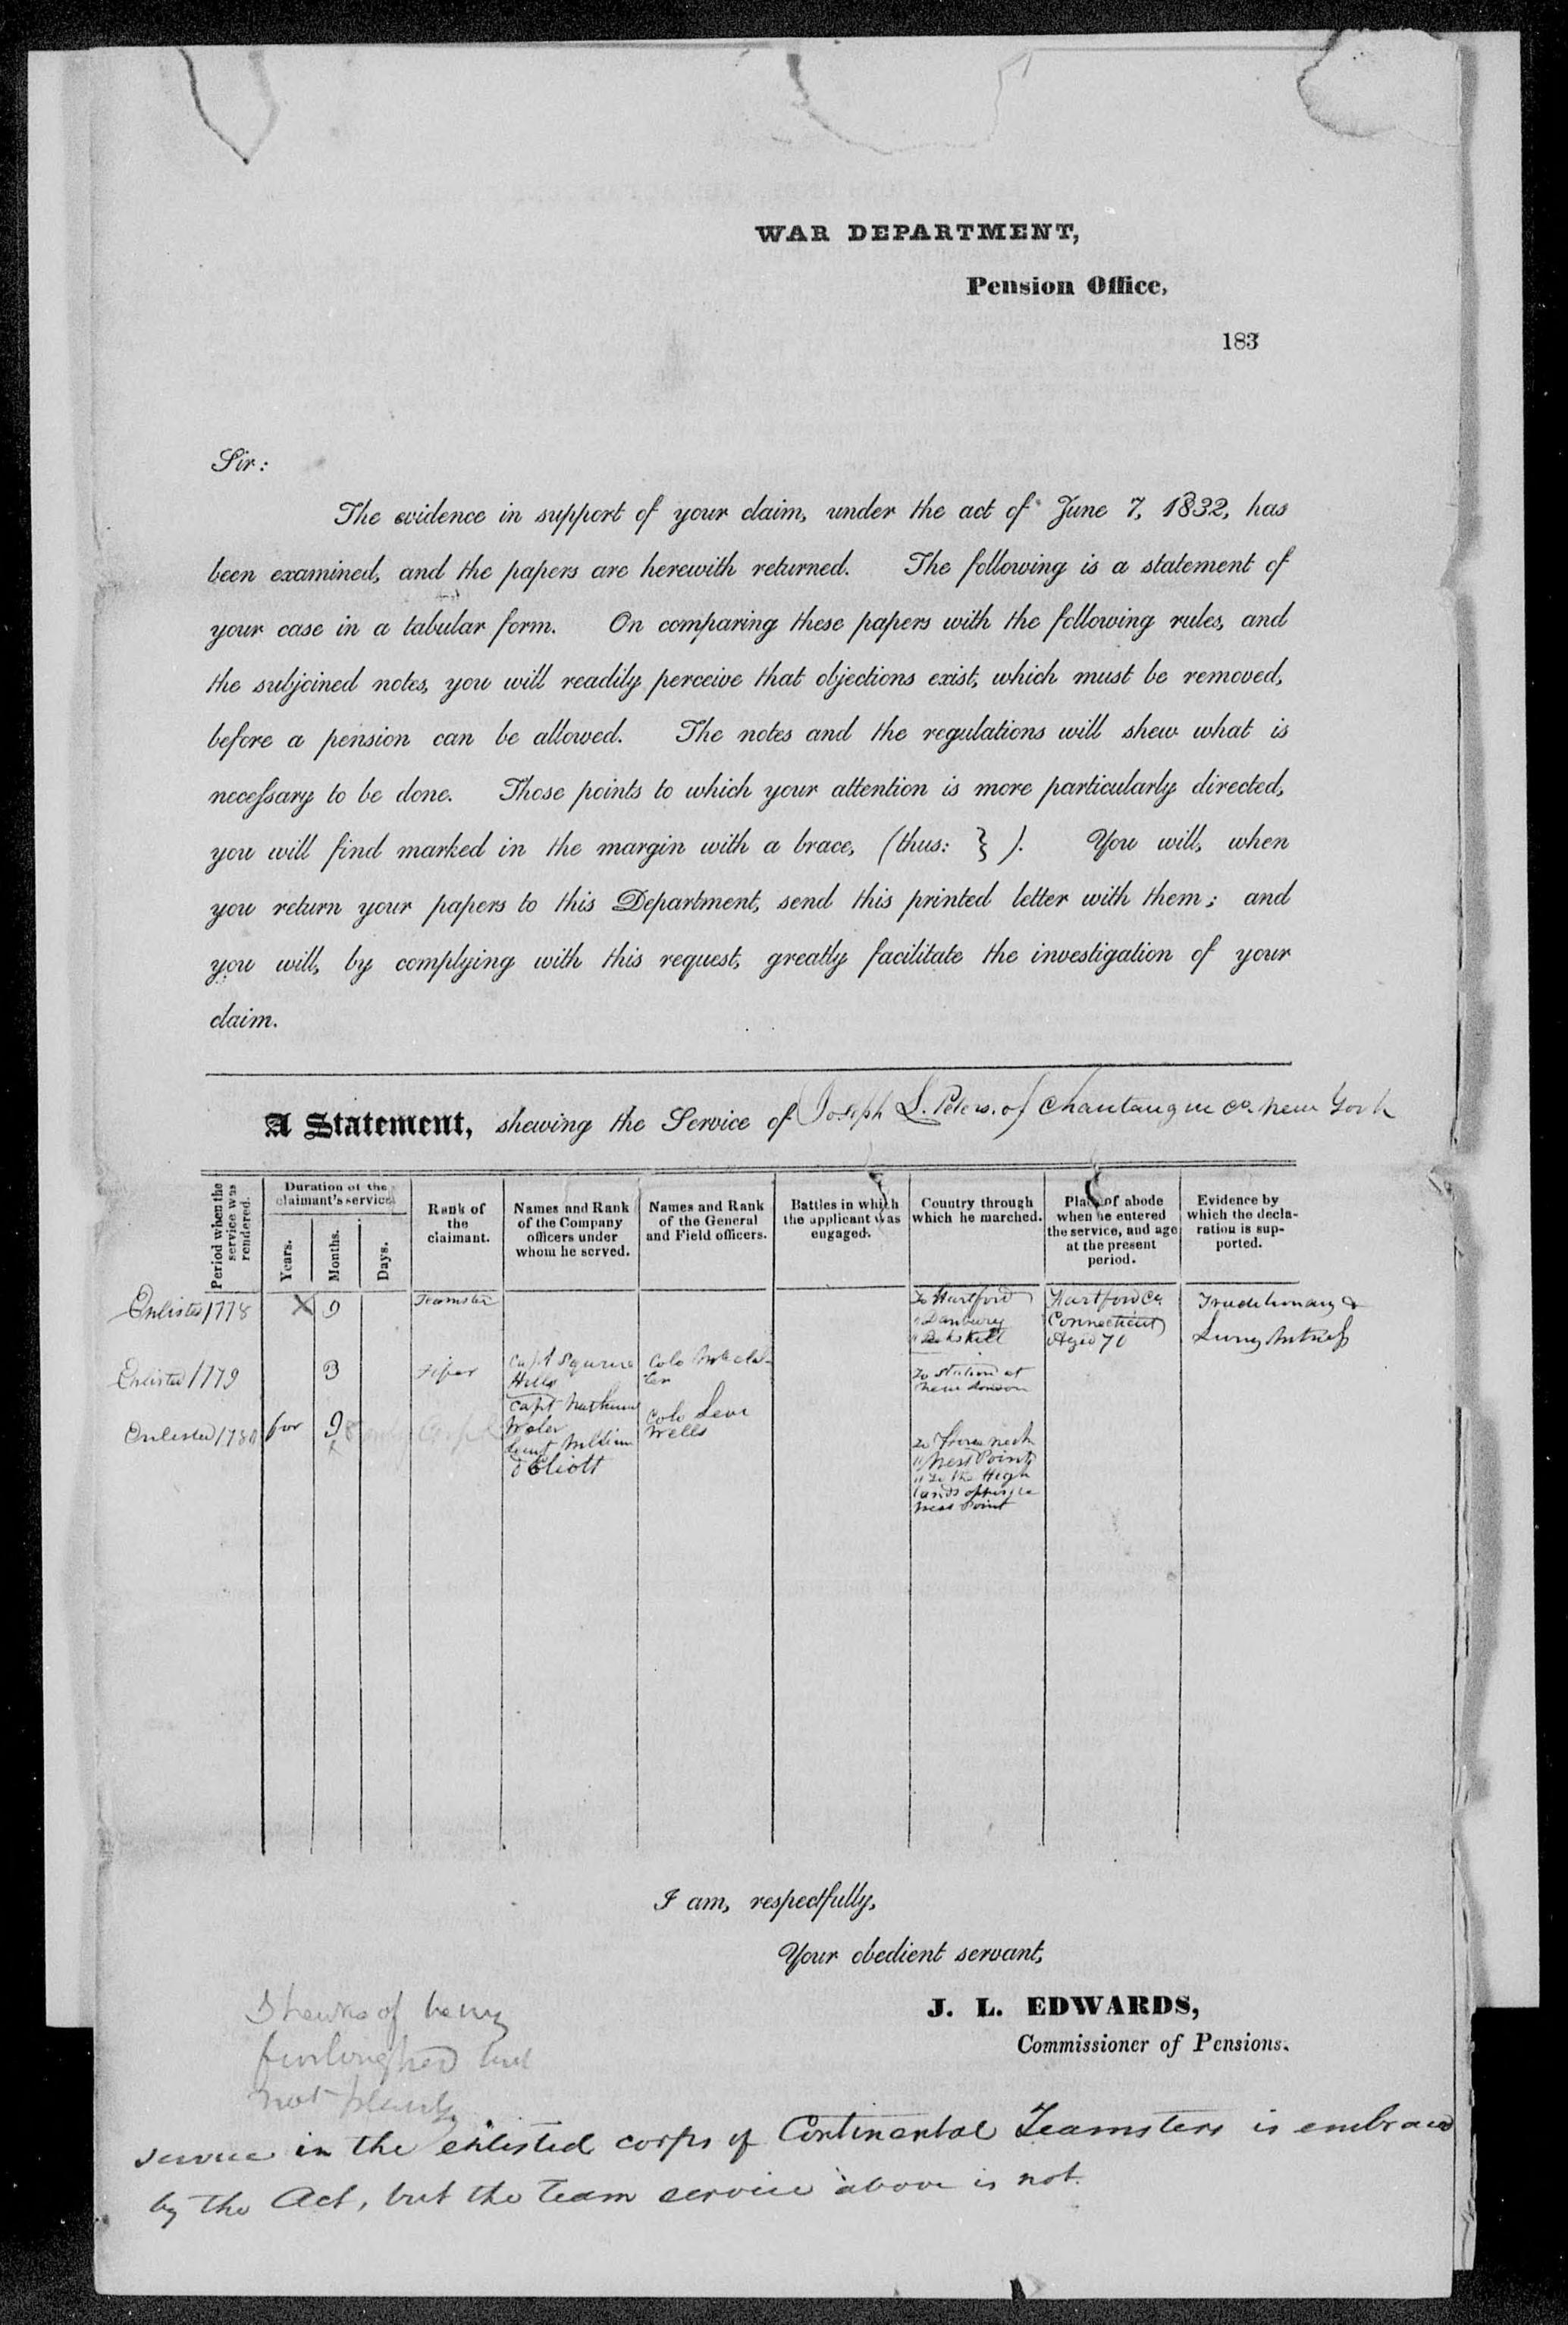WAR DEPARTMENT 
Pension Office, 
183
Sir. 
The evidence in support of your claim, under the act of June 7, 1832, has been examined, and the papers are herewith returned. The following is a statement of your case in a tabular form. On comparing these papers with the following rules and the subjoined notes, you will readily perceive that objections exist, which must be removed before a pension can be allowed. the notes and the regulations will shew what is necessary to be done. Those points to which your attention is more particularly directed, you will find marked in the margin with a brace, (thus: }). You will, when you return your papers to this Department, send this printed letter with them; and you will, by compling with this request greatly facilitate the investigation of your claim. 
A Statement, showing the Service of Joseph L. Peters of Chatauqua Co. New York
Period when the service was rendered.  Enlisted 1778    Duration of Claimant’s Service.  9 Months   Rank of the claimant.   Teamster   Names and rank of the Company Officers under whom he served.     Names and Rank of the General and Field officers.    Battles in which the applicant was engaged.  Country through which he marched.  To Hartford, to Danbury, to Peekskill     Place of abode when he entered the service, and age at the present period.  Hartford Co. Connecticut, Aged 70  Evidence by which the declaration is supported.  Traditionary & Surviving Witness
Period when the service was rendered.  Enlisted 1779   Duration of Claimant’s Service.  3 Months  Rank of the claimant.  Fifer   Names and rank of the Company Officers under whom he served.  Capt Squire Hills   Names and Rank of the General and Field officers.  Colo. McCellter [McCellan}  Battles in which the applicant was engaged.  Country through which he marched.  To Station at New London   
Period when the service was rendered.   Enlisted 1780    Duration of Claimant’s Service.  9 months   Rank of the claimant.  8 only Corpl  Names and rank of the Company Officers under whom he served.  Capt. Nathaniel Wales  Lieut Williams  & Eliott  Names and Rank of the General and Field officers.  Colo. Levi Wells  Battles in which the applicant was engaged.  Country through which he marched.   To Horseneck, to West Point, to the Hightlands opposite West Point.
I am respectfully 
Your obedient servant 
JAMES L. EDWARDS, 
Commissioner of Pensions.
[unreadable] of being furloughed but not – blank
Service in the enlisted corps of Continental Teamsters is embraced by the Act, but the team service above is not.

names: J L Edwards; Nathaniel Waler; [BLANK] Williams; Joseph L Peters; [BLANK] Eliott; [BLANK] Mcclellan; Square Hills; Levi Wells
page: 6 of 73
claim: widow's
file: W. 2338, for Joseph P Peters, Connecticut